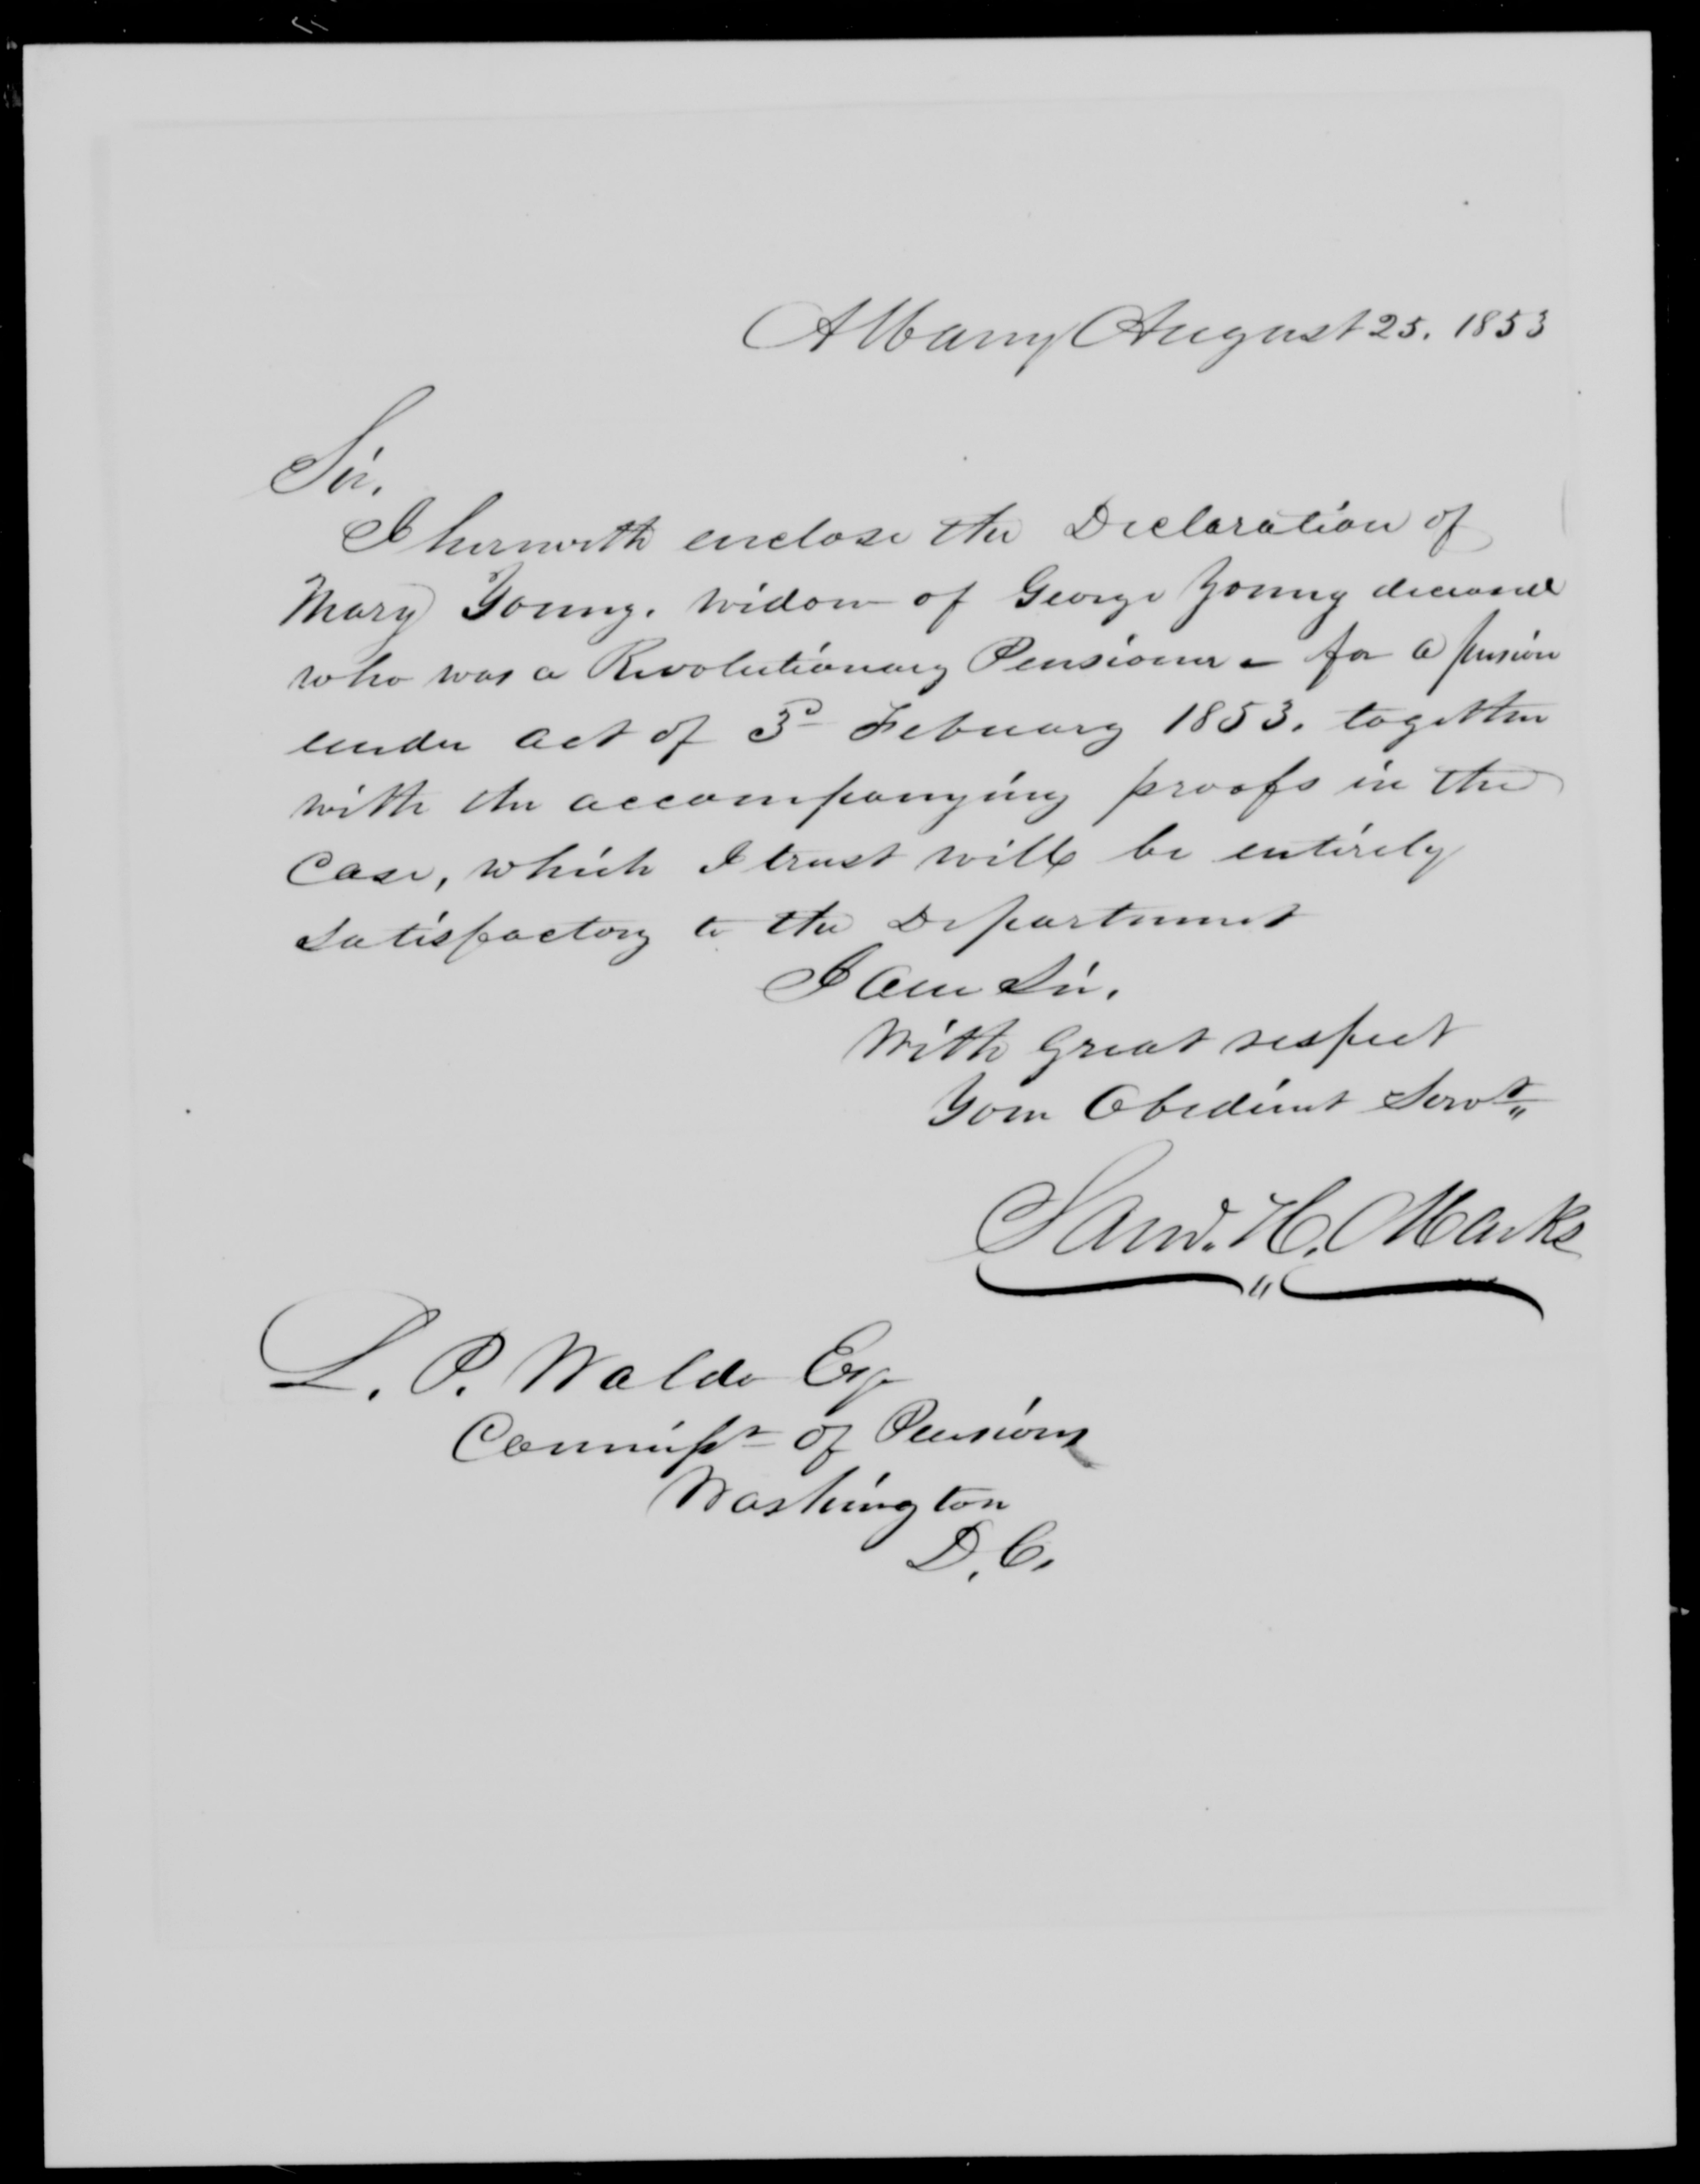Albany August 25, 1853
Sir;
I herewith enclose the Declaration of
Mary Young, widow of George Young deceased
who was a Revolutionary Pensioner for a pension
under act of 3d February 1853, together
with the accompanying proofs in the
case, which I trust will be entirely
satisfactory to the Department
I am Sir
with great respect
Your Obedient Servt
Sam. H. Marks
L.P. Waldo Esq
Commiss of Pensions
Washington D.C.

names: George Young, Saml H Marks, Mary Young, L P Waldo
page: 61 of 67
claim: widow's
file: W. 7379, George Young, New Jersey